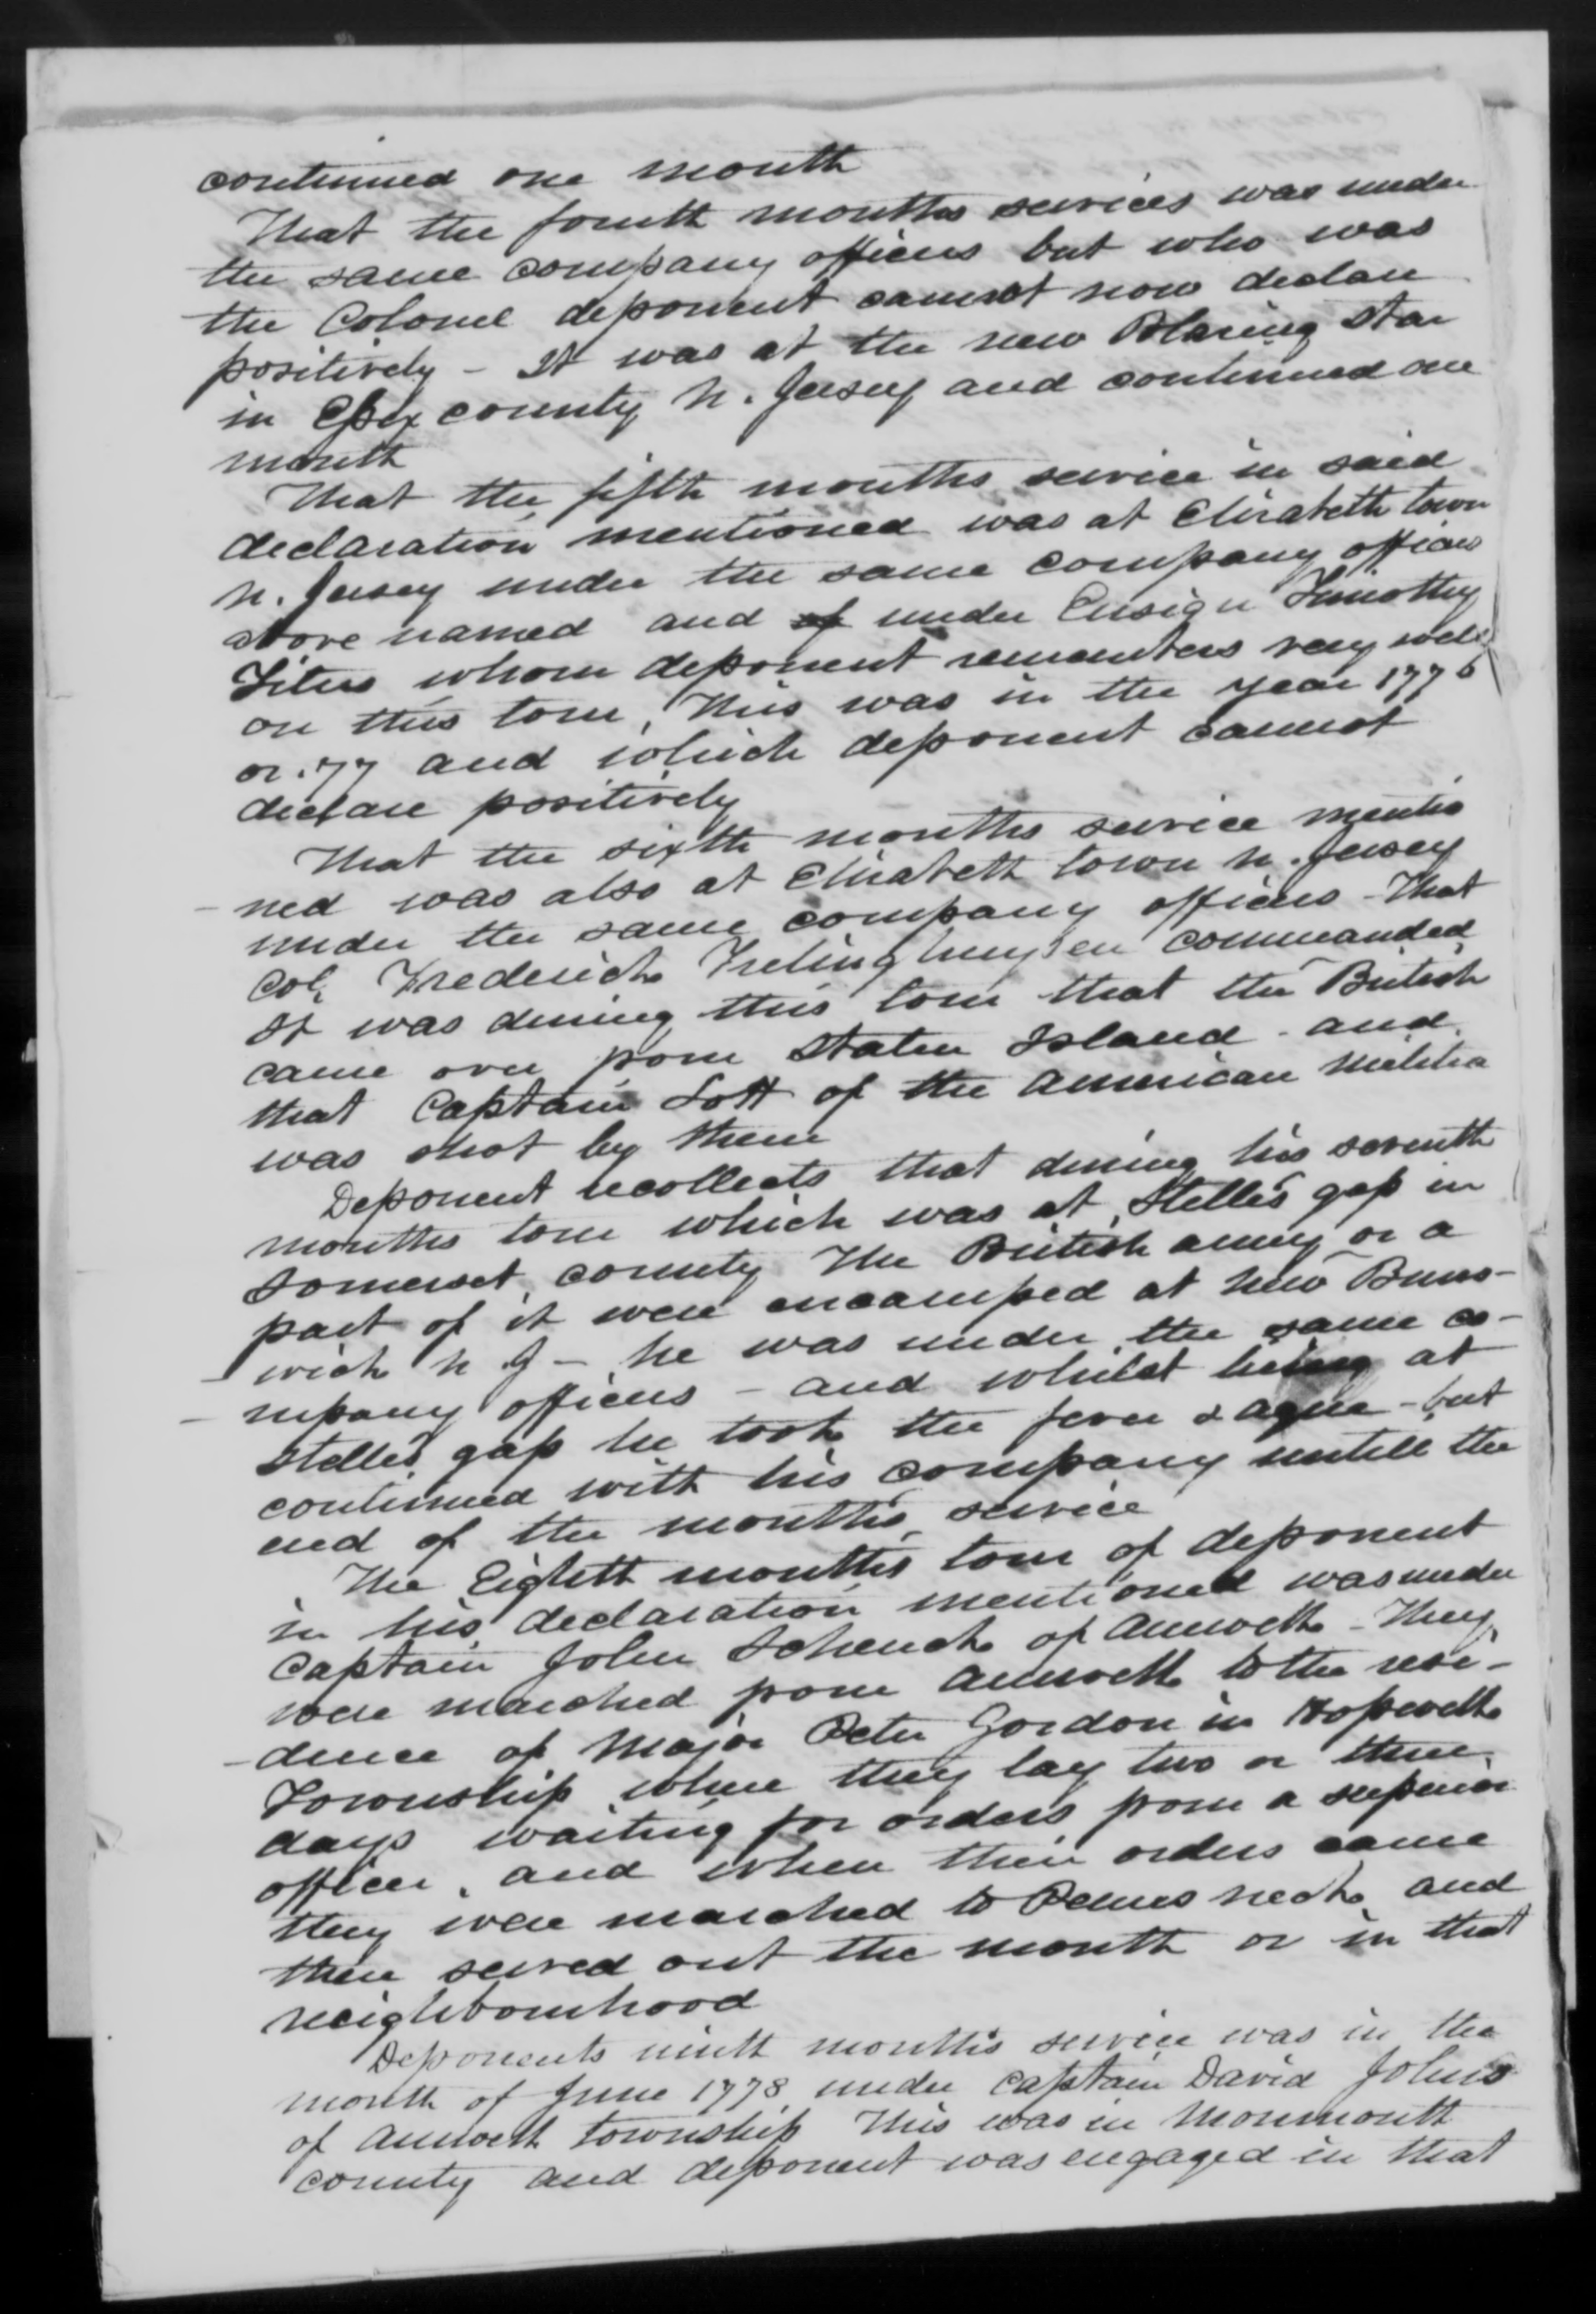...continued one month.

That the fourth month's services was under the same company officers, but who was the colonel, deponent cannot now declare positively. It was at the New Blazing Star in Essex County, N. Jersey, and continued one month.

That the fifth month's service in said declaration mentioned was at Elizabeth Town, N. Jersey, under the same company of above named and [crossed out: of] under Ensign Timothy Titus, whom deponent remembers very well on this tour. This was in the year 1776 or '77 and which deponent cannot declare positively.

That the sixth month's service mentioned was also at Elizabeth Town, N. Jersey, under the same company officers. That Col. Frederick Frelinghuysen commanded. It was during this tour that the British came over from Staten Island and that Captain Lott of the American Militia was shot by them.

Deponent recollects that during his seventh month's tour, which was at Stelle's Gap in Somerset County, the British Army, or a part of it, were encamped at new Brunswick, N.J. He was under the same company officers and whilst being at Stelle's Gap he took the force & [illegible] but continued with his company until the end of the month's service.

The eighth month's tour of deponent in his declaration mentioned was under Captain John Schenck of Amwell. They were marched from Amwell to the residence of Major Peter Gordon in Hopewell Township, where they lay two or three days waiting for orders from a superior officer and when their orders came they were marched to Remsen Neck and there served out the month or in that neighborhood.

Deponent's ninth month's service was in the month of June 1778 under Captain David Johns of Amwell Township. This was in Monmouth County and deponent was engaged in that...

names: Timothy Titus, John Schench, Frederick Frelinghuysen, Peter Gordon, David Johns, Lott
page: 53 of 67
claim: widow's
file: W. 2393, Jacob Williamson, New Jersey